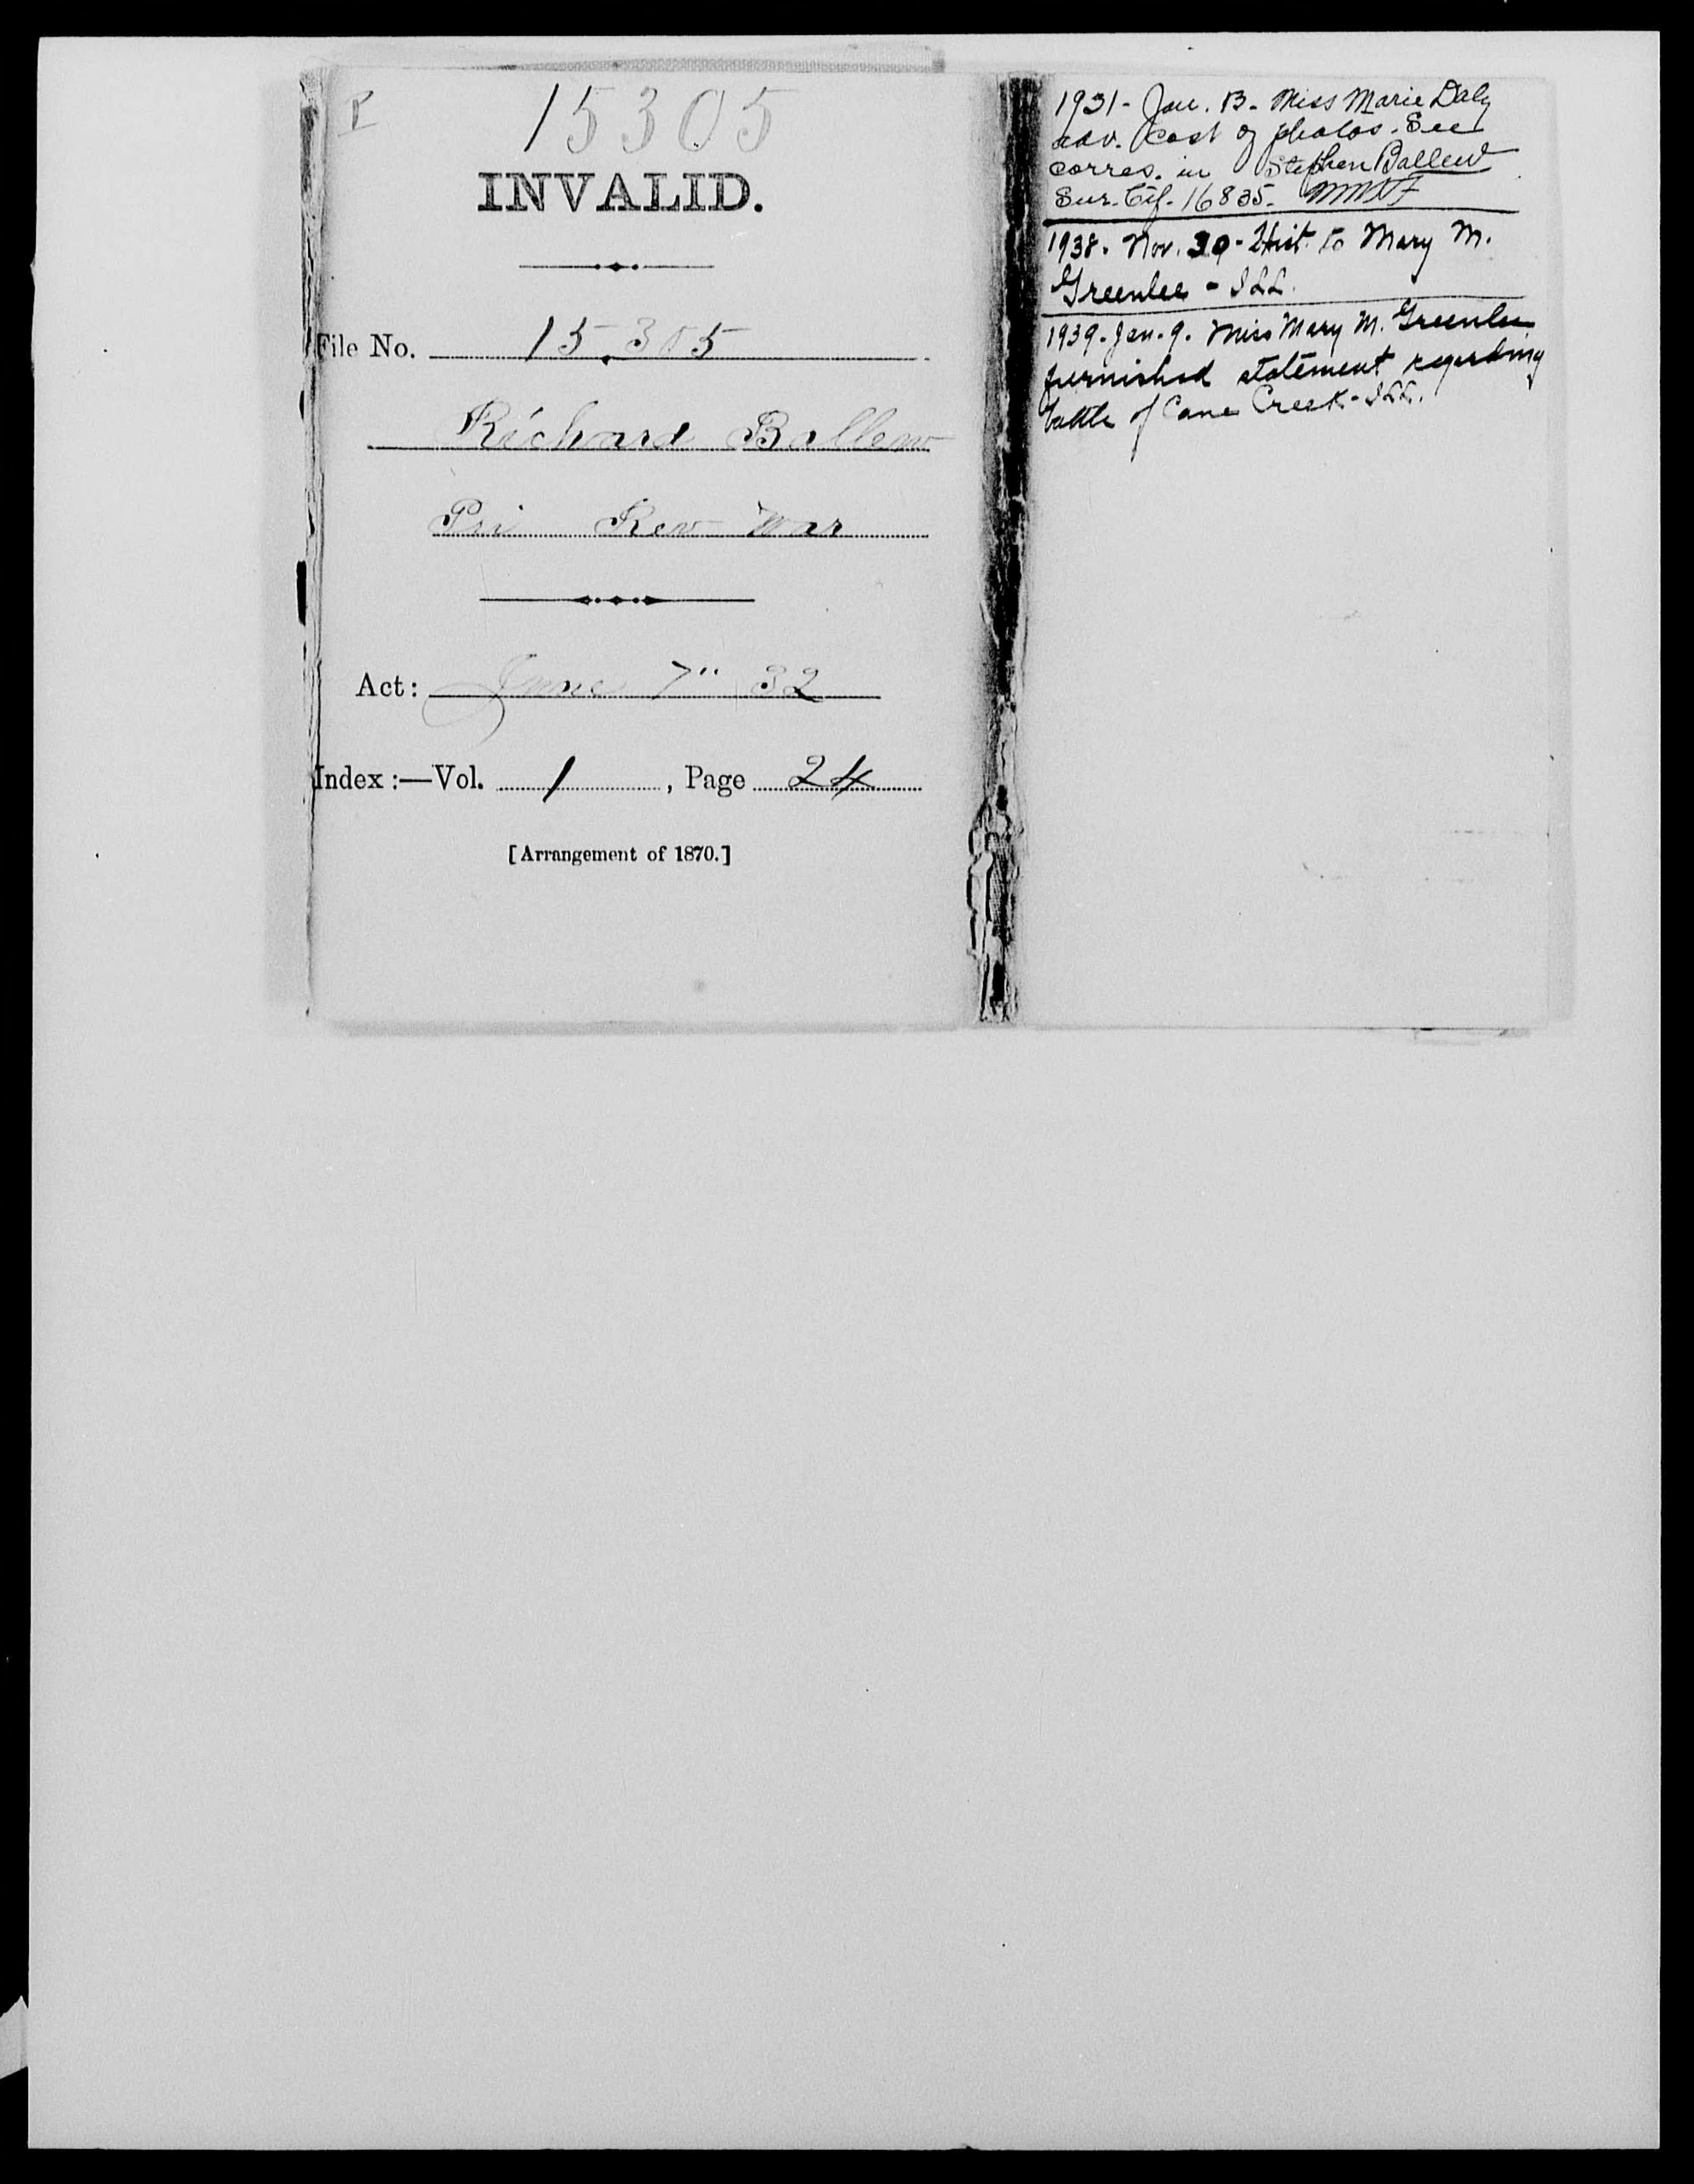15305
INVALID.

File No.  15.305
Richard Ballew
Pri  Rev  War

Act: June 7th  32
Index:  Vol.  1,  Page 24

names: Mary M Greenlee, Marie Daly, Stephen Ballew, Richard Ballew, Mary M Greenlee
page: 19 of 33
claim: survivor's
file: S. 15305, Richard Ballew, N.C.